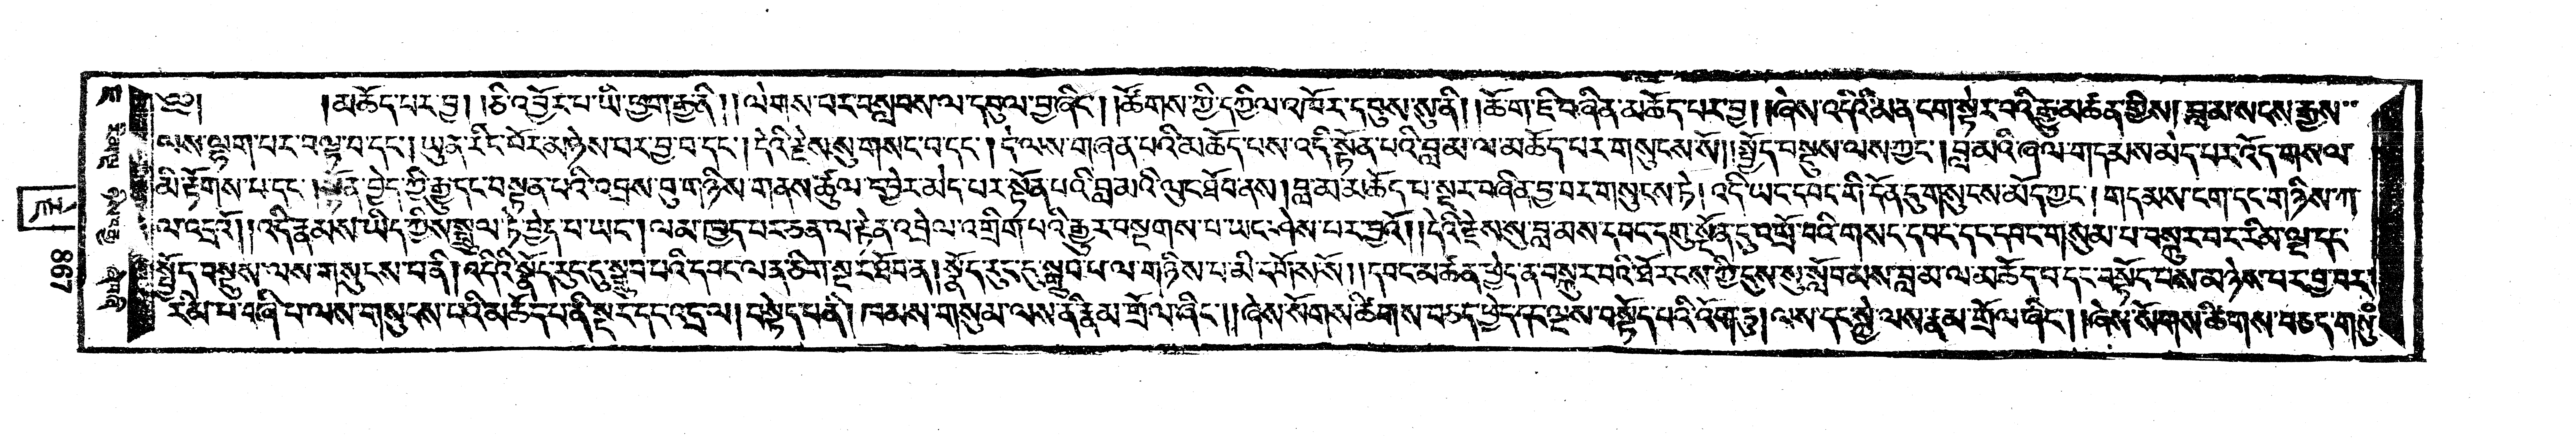༄༅། །མཆོད་པར་བྱ། །ཅི་འབྱོར་བ་ཡི་ཕྱག་རྒྱ་ནི། །ལེགས་པར་བསླབས་ལ་དབུལ་བྱ་ཞིང་། །ཚོགས་ཀྱི་དཀྱིལ་འཁོར་དབུས་སུ་ནི། །ཆོ་ག་ཇི་བཞིན་མཆོད་པར་བྱ། །ཞེས་འདིའི་མན་ངག་སྟེར་བའི་རྒྱུ་མཚན་གྱིས། བླ་མ་སངས་རྒྱས་
ལས་ལྷག་པར་བལྟ་བ་དང་། ཡུན་རིང་པོར་མཉེས་པར་བྱ་བ་དང་། དེའི་རྗེས་སུ་གསང་བ་དང་། དེ་ལས་གཞན་པའི་མཆོད་པས་འདི་སྟོན་པའི་བླ་མ་ལ་མཆོད་པར་གསུངས་སོ། །སྤྱོད་བསྡུས་ལས་ཀྱང་། བླ་མའི་ཞལ་གདམས་མེད་པར་འོད་གསལ་
མི་རྟོགས་པ་དང་། སྟོན་བྱེད་ཀྱི་རྒྱུ་དང་བསྟན་པའི་འབྲས་བུ་གཉིས་གནས་ཚུལ་དབྱེར་མེད་པར་སྟོན་པའི་བླ་མའི་ལུང་ཐོབ་ནས། བླ་མ་མཆོད་པ་སྔར་བཞིན་བྱ་བར་གསུངས་ཏེ། འདི་ཡང་དབང་གི་དོན་དུ་གསུངས་མོད་ཀྱང་། གདམས་ངག་དང་གཉིས་ཀ་
ལ་འདྲའོ། །འདི་རྣམས་ཡིད་ཀྱིས་སྤྲུལ་ཏེ་བྱེད་པ་ཡང་། ལམ་ཁྱད་པར་ཅན་ལ་རྟེན་འབྲེལ་འགྲིག་པའི་རྒྱུར་བསྔགས་པ་ཡང་ཤེས་པར་བྱའོ། །དེའི་རྗེས་སུ་བླ་མས་དབང་དགུ་སྔོན་དུ་འགྲོ་བའི་གསང་དབང་དང་དབང་གསུམ་པ་བསྐུར་བར་རིམ་ལྔ་དང་
སྤྱོད་བསྡུས་ལས་གསུངས་པ་ནི། འདིའི་སྣོད་རུང་དུ་སྒྲུབ་པའི་དབང་ལན་ཅིག་སྔར་ཐོབ་ན། སྣོད་རུང་དུ་སྒྲུབ་པ་ལ་གཉིས་པ་མི་དགོས་སོ། །དབང་མཚན་ཕྱེད་ན་བསྐུར་བའི་ཐོ་རངས་ཀྱི་དུས་སུ་སློབ་མས་བླ་མ་ལ་མཆོད་པ་དང་བསྟོང་པས་མཉེས་པར་བྱ་བར་
རིམ་པ་བཞི་པ་ལས་གསུངས་པའི་མཆོད་པ་ནི་སྔར་དང་འདྲ་ལ། བསྟོད་པ་ནི། ཁམས་གསུམ་ལས་ནི་རྣམ་གྲོལ་ཞིང་། །ཞེས་སོགས་ཚིགས་བཅད་ཕྱེད་དང་ལྔས་བསྟོད་པའི་འོག་ཏུ། ལས་དང་སྐྱེ་ལས་རྣམ་གྲོལ་ཞིང་། །ཞེས་སོགས་ཚིགས་བཅད་གསུམ་